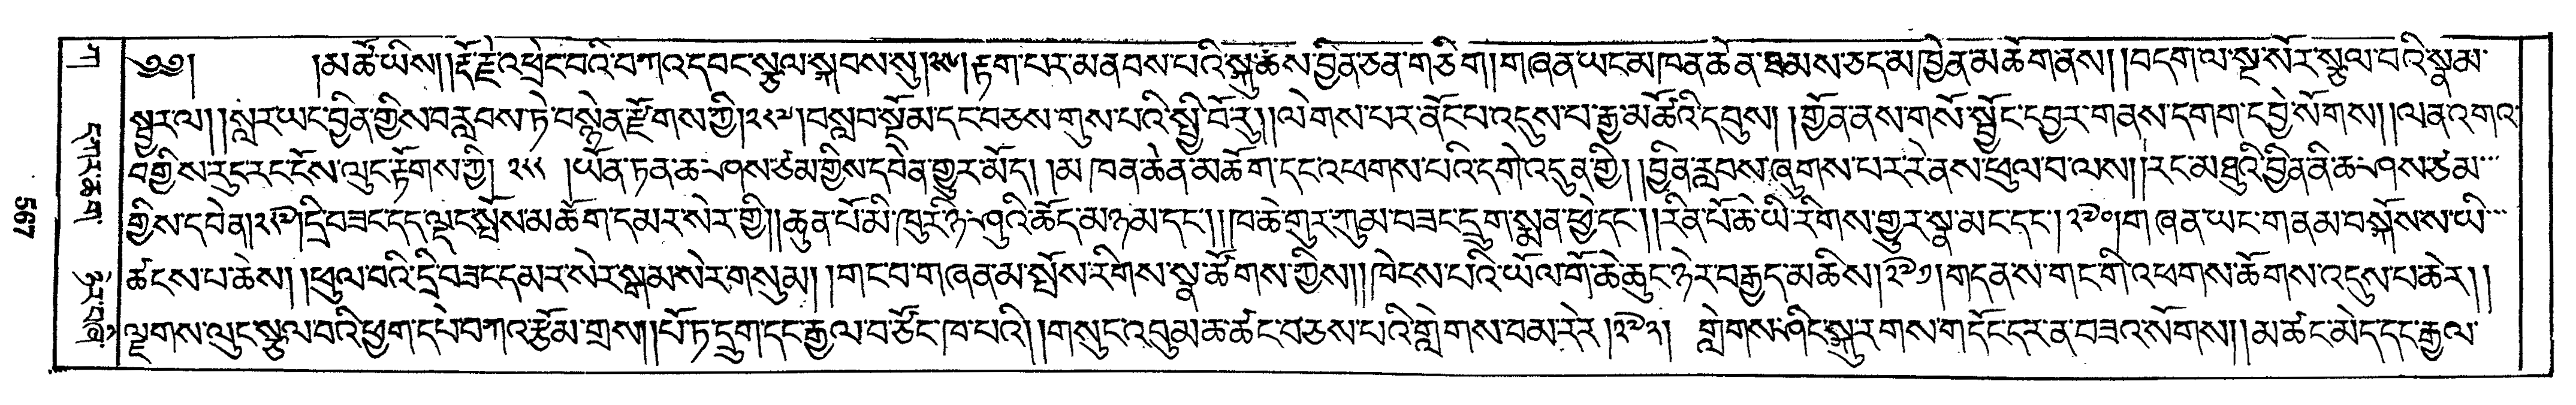༄༅། །མཚོ་ཡིས། །རྡོ་རྗེ་འཕྲེང་བའི་བཀའ་དབང་སྩལ་སྐབས་སུ། ༢༨༦་།རྟག་པར་མན་བས་པའི་སྐུ་ཆོས་བྱིན་ཅན་གཅིག །གཞན་ཡང་མཁན་ཆེན་ཐམས་ཅད་མཁྱེན་མཆོག་ནས། །བདག་ལ་སྔ་སོར་སྩལ་བའི་སྣམ་
སྦྱར་ལ། །སླར་ཡང་བྱིན་གྱིས་བརླབས་ཏེ་བསྙེན་རྫོགས་ཀྱི། ༢༨༧་།བསླབ་སྡོམ་དང་བཅས་གུས་པའི་སྤྱི་བོ་རུ། །ལེགས་པར་ནོད་པ་འདུས་པ་རྒྱ་མཚོའི་དབུས། །གྱོན་ནས་གསོ་སྦྱོང་དབྱར་གནས་དགག་དབྱེ་སོགས། །ལན་འགའ་
བགྱིས་རུང་རང་བོས་ལུང་རྟོགས་ཀྱི། ༢༨༨་།ཡོན་ཏན་ཆ་ཤས་ཙམ་གྱིས་དབེན་གྱུར་མོད། །མཁན་ཆེན་མཆོག་དང་འཕགས་པའི་དགེ་འདུན་གྱི། །བྱིན་རླབས་ཞུགས་པར་རེ་ནས་ཕུལ་བ་ལས། །རང་མཐུའི་བྱིན་ནི་ཆ་ཤས་ཙམ་
གྱིས་དཔན། ༢༨༧་།དྲི་བཟང་དང་ལྡང་སྤོས་མཆོག་དམར་སེར་གྱི། །ཆུན་པོ་མི་ཁུར་ཉི་ཤུའི་ཚོད་མཉམ་དང་། །ཁ་ཆེ་གུར་ཀུམ་བཟང་དྲུག་སྨན་ཕྱེ་དང་། །རིན་པོ་ཆེ་ཡི་རིགས་གྱུར་སྣ་མང་དང་། ༢༧༠་།གཞན་ཡང་གནམ་བསྐོས་ས་ཡི་
ཚངས་པ་ཆེས། །ཕུལ་བའི་དྲི་བཟང་དམར་སེར་སྒམ་སེར་གསུམ། །གང་བ་གཞན་མ་སྤོས་རིགས་སྣ་ཚོགས་ཀྱིས། །ཁེངས་པའི་ཡོལ་གོ་ཆེ་ཆུང་ཉེར་བརྒྱད་མཆིས། ༢༧༡་།གདན་ས་གང་གི་འཕགས་ཚོགས་འདུས་པ་ཆེར། །
ལྗགས་ལུང་སྩལ་པའི་ཕྱག་དཔེ་བཀའ་རྩོམ་གྲས། །པོ་ཏི་དྲུག་དང་རྒྱལ་བཙོང་ཁ་པའི། །གསུང་འབུམ་ཆ་ཚང་བཅས་པའི་གླེགས་བམ་རེ་ར། ༢༧༢་།གླེགས་ཤིང་སྐུ་རགས་གདོང་དར་ན་བཟའ་སོགས། །མ་ཚང་མེད་དང་རྒྱལ་